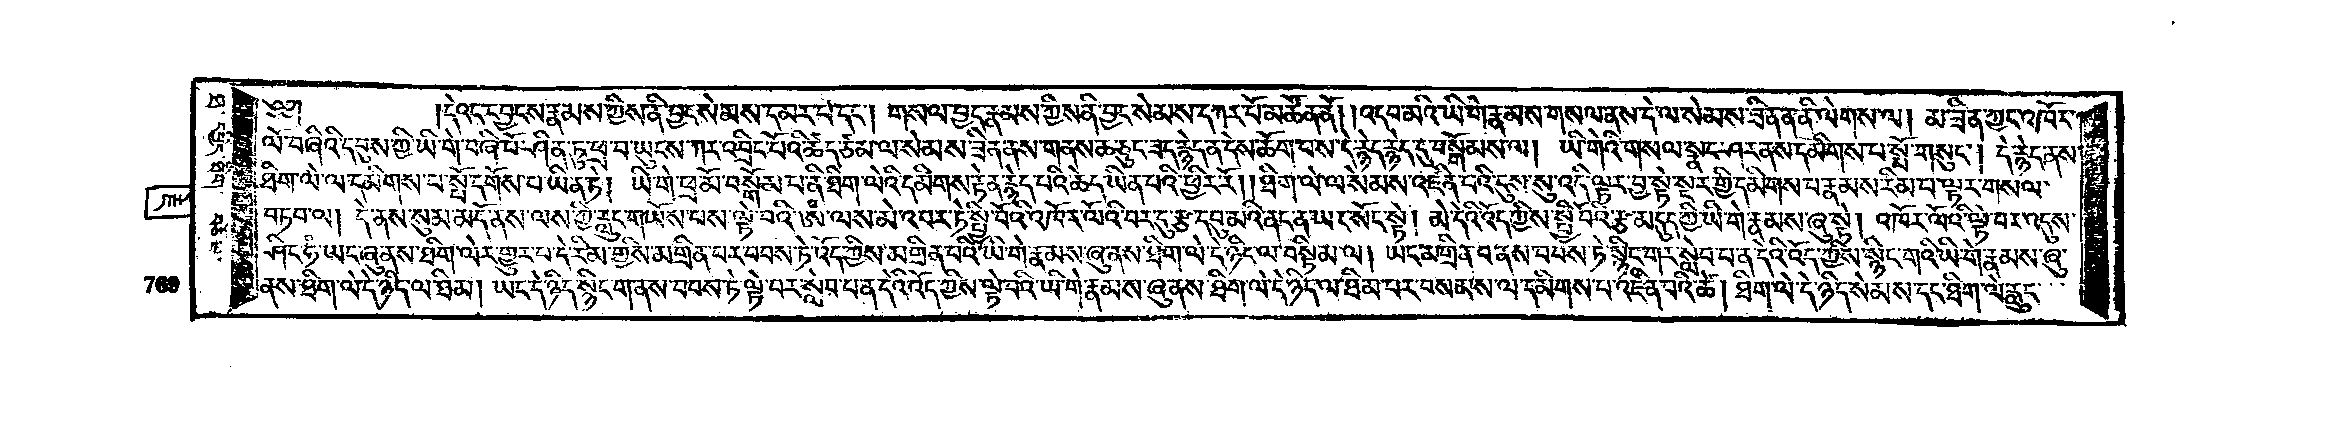༄༅། །དེའང་དབྱངས་རྣམས་ཀྱིས་ནི་བྱང་སེམས་དམར་པོ་དང་། གསལ་བྱེད་རྣམས་ཀྱིས་ནི་བྱང་སེམས་དཀར་པོ་མཚོན་ནོ། །འདབ་མའི་ཡི་གེ་རྣམས་གསལ་ནས་དེ་ལ་སེམས་ཟིན་ན་ནི་ལེགས་ལ། མ་ཟིན་ཀྱང་འཁོར་
ལོ་བཞིའི་དབུས་ཀྱི་ཡི་གེ་བཞི་པོ་ཤིན་ཏུ་ཕྲ་བ་ཡུངས་ཀར་འབྲིང་པོའི་ཚད་ཙམ་ལ་སེམས་ཟིན་ནས་གནས་ཆ་ཅུང་ཟད་རྙེད་ན་དེས་ཆོག་པས་དེ་རྙེད་རྙེད་དུ་བསྒོམས་ལ། ཡི་གེའི་གསལ་སྣང་ཤར་ནས་དམིགས་པ་སྤོ་གསུང་། དེ་རྙེད་ནས་
ཐིག་ལེ་ལ་དམིགས་པ་སྤོ་དགོས་པ་ཡིན་ཏེ། ཡི་གེ་ཕྲ་མོ་བསྒོམ་པ་ནི་ཐིག་ལེའི་དམིགས་རྟེན་རྙེད་པའི་ཆེད་ཡིན་པའི་ཕྱིར་རོ། །ཐིག་ལེ་ལ་སེམས་འཛིན་པའི་དུས་སུ་འདི་ལྟར་བྱ་སྟེ་སྔར་གྱི་དམིགས་པ་རྣམས་རིམ་པ་ལྟར་གསལ་
བཏབ་ལ། དེ་ནས་སུམ་མདོ་ནས་ལས་ཀྱི་རླུང་གཡོས་པས་ལྟེ་བའི་ཨོཾ་ལས་མེ་འབར་ཏེ་སྤྱི་བོའི་འཁོར་ལོའི་བར་དུ་རྩ་དབུ་མའི་ནང་ན་ཡར་སོང་སྟེ། མེ་དེའི་འོད་ཀྱིས་སྤྱི་བོའི་རྩ་མདུད་ཀྱི་ཡི་གེ་རྣམས་ཞུ་སྟེ། འཁོར་ལོའི་ལྟེ་བར་འདུས་
ཤིང་ཧཾ་ཡང་ཞུ་ནས་ཐིག་ལེར་གྱུར་པ་དེ་རིམ་གྱིས་མགྲིན་པར་བབས་ཏེ་འོད་ཀྱིས་མགྲིན་པའི་ཡི་གེ་རྣམས་ཞུ་ནས་ཐིག་ལེ་དེ་ཉིད་ལ་བསྟིམ་ལ། ཡང་མགྲིན་པ་ནས་བབས་ཏེ་སྙིང་གར་སླེབ་པ་ན་དེའི་འོད་ཀྱིས་སྙིང་གའི་ཡི་གེ་རྣམས་ཞུ་
ནས་ཐིག་ལེ་དེ་ཉིད་ལ་ཐིམ། ཡང་དེ་ཉིད་སྙིང་ག་ནས་བབས་ཏེ་ལྟེ་བར་སླེབ་པ་ན་དེའི་འོད་ཀྱིས་ལྟེ་བའི་ཡི་གེ་རྣམས་ཞུ་ནས་ཐིག་ལེ་དེ་ཉིད་ལ་ཐིམ་པར་བསམས་ལ་དམིགས་པ་འཛིན་པའི་ཚེ། ཐིག་ལེ་དེ་ཉིད་སེམས་དང་ཐིག་ལེ་རླུང་